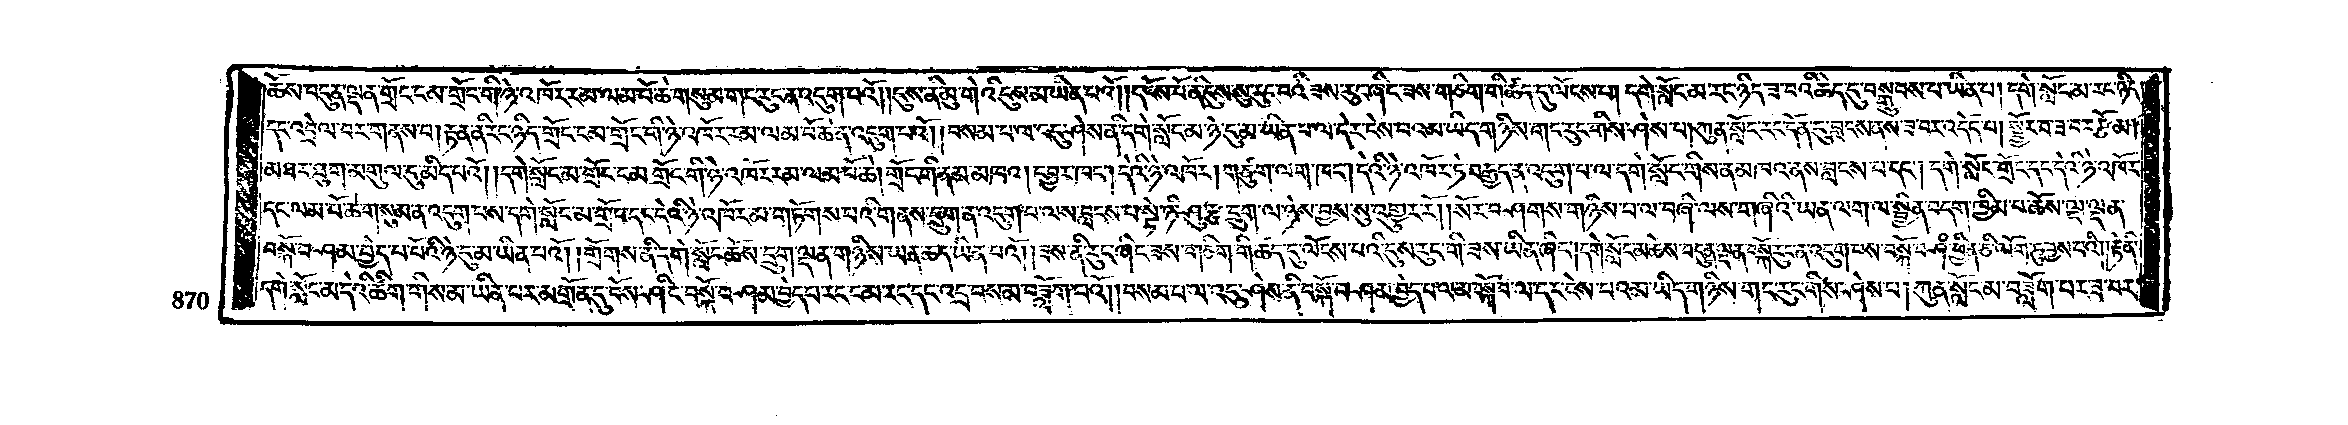ཆོས་བདུན་ལྡན་གྲོང་ངམ་གྲོང་གི་ཉེ་འཁོར་རམ་ལམ་པོ་ཆེ་གསུམ་གང་རུང་ན་འདུག་པའོ། །དུས་ནི་མུ་གེའི་དུས་མ་ཡིན་པའོ། །དངོས་པོ་ནི་དུས་སུ་རུང་བའི་ཟས་རུང་ཞིང་ཟས་གཅིག་གི་ཚད་དུ་ལོངས་པ། དགེ་སློང་མ་རང་ཉིད་ཟ་བའི་ཆེད་དུ་བསྒྲུབས་པ་ཡིན་པ། དགེ་སློང་མ་རང་ཉིད་
དང་འབྲེལ་བར་གནས་པ། རྟན་ནི་རང་ཉིད་གྲོང་ངམ་གྲོང་གི་ཉེ་འཁོར་རམ་ལམ་པོ་ཆེ་ན་འདུག་པའོ། །བསམ་པ་ལ་འདུ་ཤེས་ནི་དགེ་སློང་མ་ཉེ་དུ་མ་ཡིན་པ་ལ་དེར་ངེས་པའམ་ཡིད་གཉིས་གང་རུང་གིས་ཤེས་པ། ཀུན་སློང་རང་དོན་དུ་བླངས་ནས་ཟ་བར་འདོད་པ། སྦྱོར་བ་ཟ་བར་རྩོམ།
མཐར་ཐུག་མགུལ་དུ་མིད་པའོ། །དགེ་སློང་མ་གྲོང་ངམ་གྲོང་གི་ཉེ་འཁོར་རམ་ལམ་པོ་ཆེ། གྲོང་གི་ནམ་མཁའ། དབྱར་ཁང་། དེའི་ཉེ་འཁོར། གཙུག་ལག་ཁང་། དེའི་ཉེ་འཁོར་ཏེ་བརྒྱད་ན་འདུག་པ་ལ་དགེ་སློང་གིས་ནམ་མཁའ་ནས་བླངས་པ་དང་། དགེ་སློང་གྲོང་དང་དེའི་ཉེ་འཁོར་
དང་ལམ་པོ་ཆེ་གསུམ་ན་འདུག་པས་དགེ་སློང་མ་གྲོ་བ་དང་དེའི་ཉེ་འཁོར་མ་གཏོགས་པའི་གནས་དྲུག་ན་འདུག་པ་ལས་བླངས་པ་སྟེ་ཉི་ཤུ་རྩ་དྲུག་ལ་ཉེས་བྱས་སུ་འགྱུར་རོ། །སོར་བཤགས་གཉིས་པ་ལ་བཞི་ལས་གཞིའི་ཡན་ལག་ལ་སྦྱིན་བདག་ཁྱིམ་པ་ཆོས་ལྔ་ལྡན་
བསྐོ་བ་ཤམ་བྱེད་པ་པོའི་ཉེ་དུ་མ་ཡིན་པའོ། །གྲོགས་ནི་དགེ་སློང་ཆོས་དྲུག་ལྡན་གཉིས་ཡན་ཆད་ཡིན་པའོ། །ཟས་ནི་རུང་ཞིང་ཟས་གཅིག་གི་ཚད་དུ་ལོངས་པའི་དུས་རུང་གི་ཟས་ཡིན་ཞིང་། དགེ་སློང་མཆེས་བདུན་ལྡན་བསྐོ་རུང་ན་འདུག་པས་བསྐོ་བཤམ་ཕྱིན་ཅི་ལོག་ཏུ་བྱས་པའི། །རྟེན་ནི་
དགེ་སློང་མ་དེའི་ཚིག་གིས་མ་ཡིན་པར་མགྲོན་དུ་བོས་ཤིང་བསྐོ་བཤམ་བྱེད་པ་རང་ངམ་རང་དང་འདྲ་བས་མ་བཟློག་པའོ། །བསམ་པ་ལ་འདུ་ཤེས་ནི་བསྐོ་བཤམ་བྱེད་པ་ལ་མ་བསྐོ་བ་ལ་དར་ངེས་པའམ་ཡིད་གཉིས་གང་རུང་གིས་ཤེས་པ། ཀུན་སློང་མ་བཟློག་པར་ཟ་བར་